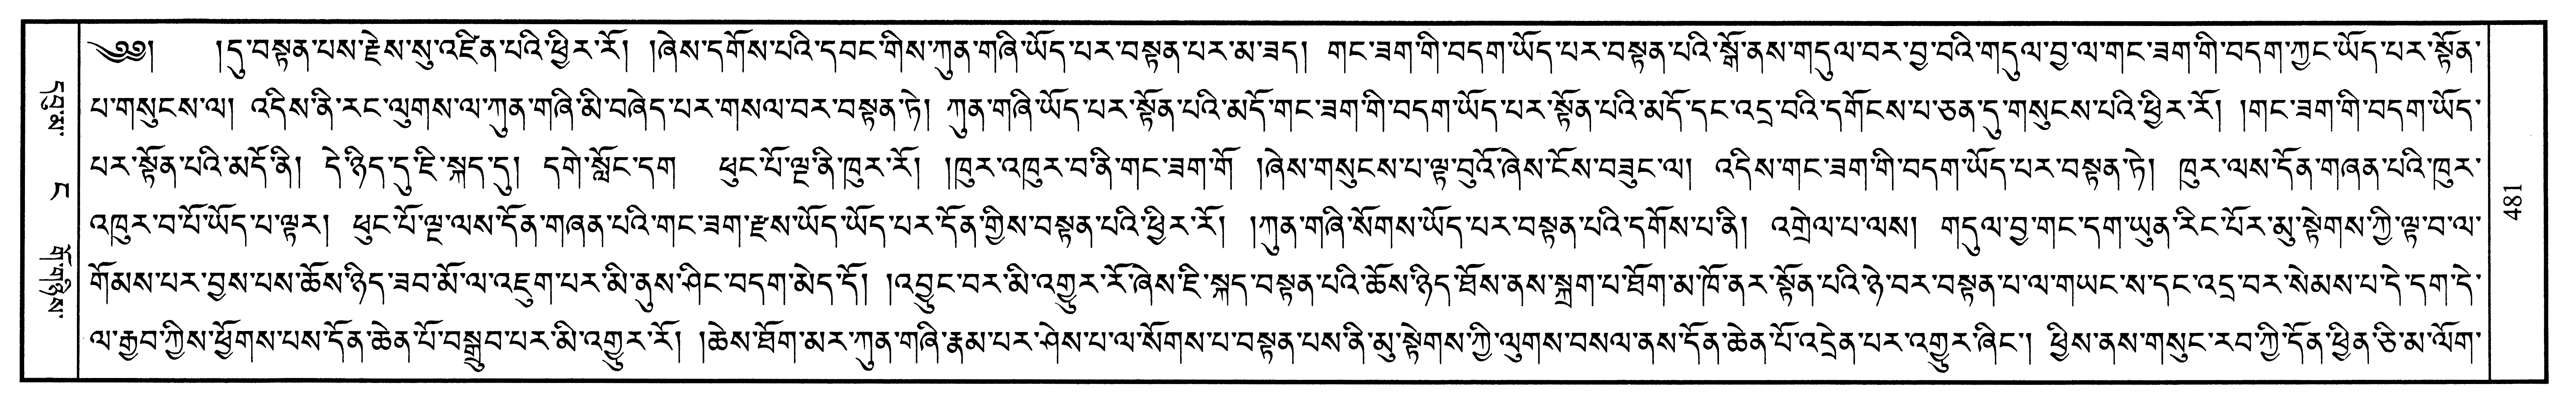༄༅། །དུ་བསྟན་པས་རྗེས་སུ་འཛིན་པའི་ཕྱིར་རོ། །ཞེས་དགོས་པའི་དབང་གིས་ཀུན་གཞི་ཡོད་པར་བསྟན་པར་མ་ཟད། གང་ཟག་གི་བདག་ཡོད་པར་བསྟན་པའི་སྒོ་ནས་གདུལ་བར་བྱ་བའི་གདུལ་བྱ་ལ་གང་ཟག་གི་བདག་ཀྱང་ཡོད་པར་སྟོན་
པ་གསུངས་ལ། འདིས་ནི་རང་ལུགས་ལ་ཀུན་གཞི་མི་བཞེད་པར་གསལ་བར་བསྟན་ཏེ། ཀུན་གཞི་ཡོད་པར་སྟོན་པའི་མདོ་གང་ཟག་གི་བདག་ཡོད་པར་སྟོན་པའི་མདོ་དང་འདྲ་བའི་དགོངས་པ་ཅན་དུ་གསུངས་པའི་ཕྱིར་རོ། །གང་ཟག་གི་བདག་ཡོད་
པར་སྟོན་པའི་མདོ་ནི། དེ་ཉིད་དུ་ཇི་སྐད་དུ། དགེ་སློང་དག །ཕུང་པོ་ལྔ་ནི་ཁུར་རོ། །ཁུར་འཁུར་བ་ནི་གང་ཟག་གོ །ཞེས་གསུངས་པ་ལྟ་བུའོ་ཞེས་ངོས་བཟུང་ལ། འདིས་གང་ཟག་གི་བདག་ཡོད་པར་བསྟན་ཏེ། ཁུར་ལས་དོན་གཞན་པའི་ཁུར་
འཁུར་བ་པོ་ཡོད་པ་ལྟར། ཕུང་པོ་ལྔ་ལས་དོན་གཞན་པའི་གང་ཟག་རྫས་ཡོད་ཡོད་པར་དོན་གྱིས་བསྟན་པའི་ཕྱིར་རོ། །ཀུན་གཞི་སོགས་ཡོད་པར་བསྟན་པའི་དགོས་པ་ནི། འགྲེལ་པ་ལས། གདུལ་བྱ་གང་དག་ཡུན་རིང་པོར་མུ་སྟེགས་ཀྱི་ལྟ་བ་ལ་
གོམས་པར་བྱས་པས་ཆོས་ཉིད་ཟབ་མོ་ལ་འཇུག་པར་མི་ནུས་ཤིང་བདག་མེད་དོ། །འབྱུང་བར་མི་འགྱུར་རོ་ཞེས་ཇི་སྐད་བསྟན་པའི་ཆོས་ཉིད་ཐོས་ནས་སྐྲག་པ་ཐོག་མ་ཁོ་ནར་སྟོན་པའི་ཉེ་བར་བསྟན་པ་ལ་གཡང་ས་དང་འདྲ་བར་སེམས་པ་དེ་དག་དེ་
ལ་རྒྱབ་ཀྱིས་ཕྱོགས་པས་དོན་ཆེན་པོ་བསྒྲུབ་པར་མི་འགྱུར་རོ། །ཆེས་ཐོག་མར་ཀུན་གཞི་རྣམ་པར་ཤེས་པ་ལ་སོགས་པ་བསྟན་པས་ནི་མུ་སྟེགས་ཀྱི་ལུགས་བསལ་ནས་དོན་ཆེན་པོ་འདྲེན་པར་འགྱུར་ཞིང་། ཕྱིས་ནས་གསུང་རབ་ཀྱི་དོན་ཕྱིན་ཅི་མ་ལོག་